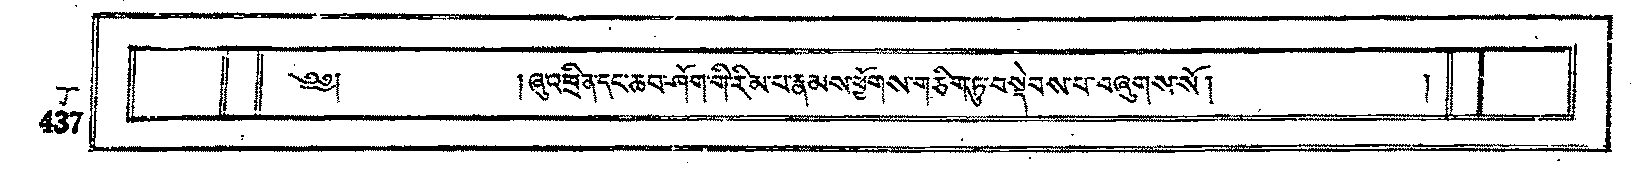༄༅། །ཞུ་འཕྲིན་དང་ཆབ་ཤོག་གི་རིམ་པ་རྣམས་ཕྱོགས་གཅིག་ཏུ་བསྡེབས་པ་བཞུགས་སོ། །